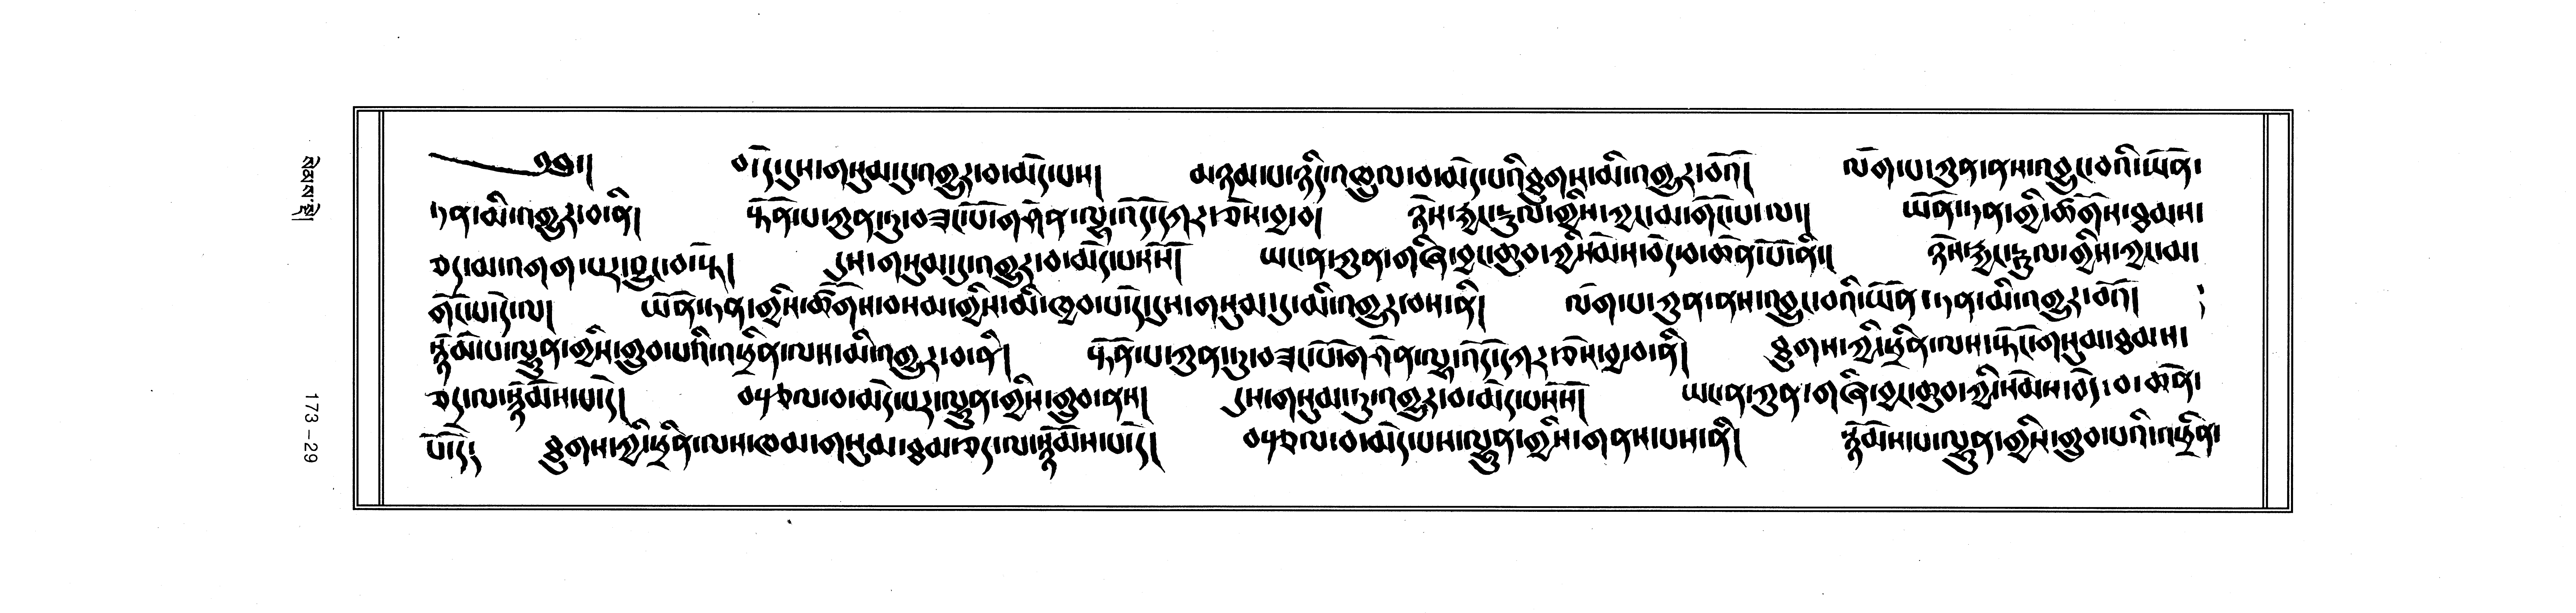བ་དེ་དུས་གསུམ་དུ་འགྱུར་བ་མེད་པས། མཉམ་པ་ཉིད་འཁྲུལ་པ་མེད་པའི་ཐུགས་མི་འགྱུར་བའོ། །ལེགས་པ་ཀུན་ནས་འབྱུང་བའི་ཡོན་
ཏན་མི་འགྱུར་བ་ནི། སྟོན་པ་ཀུན་ཏུ་བཟང་པོ་གཤེན་ལྷ་འོད་དཀར་ཅེས་བྱ་བ། ཉེས་སྐྱོན་རྡུལ་གྱིས་ཀྱང་མ་གོས་པ་ལ། ཡོན་ཏན་གྱི་ཚོགས་ཐམས་
ཅད་མ་འགག་པར་འབྱུང་བ་སྟེ། དུས་གསུམ་དུ་འགྱུར་བ་མེད་པས་སོ། ཡང་ན་ཀུན་གཞི་བྱང་ཆུབ་ཀྱི་སེམས་བདེ་བ་ཆེན་པོ་ནི། ཉེས་སྐྱོན་རྡུལ་གྱིས་ཀྱང་མ་
གོས་པ་དེ་ལ། ཡོན་ཏན་གྱི་ཚོགས་བསམ་གྱིས་མི་ཁྱབ་པ་དེ་དུས་གསུམ་དུ་མི་འགྱུར་བས་ནི། ལེགས་པ་ཀུན་ནས་འབྱུང་བའི་ཡོན་ཏན་མི་འགྱུར་བའོ། །
སྙོམས་པར་ལྷུན་གྱིས་གྲུབ་པའི་འཕྲིན་ལས་མི་འགྱུར་བ་ནི། སྟོན་པ་ཀུན་ཏུ་བཟང་པོ་གཤེན་ལྷ་འོད་དཀར་ཅེས་བྱ་བ་ནི། ཐུགས་ཀྱི་འཕྲིན་ལས་སྟོང་གསུམ་ཐམས་
ཅད་ལ་སྙོམས་པ་དེ། བརྩལ་བ་མེད་པར་ལྷུན་གྱིས་གནས་པས་ནི། དུས་གསུམ་ཏུ་འགྱུར་བོ་པོས། ཡང་ན་ཀུན་གཞི་བྱང་ཆུབ་ཀྱི་སེམས་བདེ་བ་ཚན།
པོ་རེད། ཐུགས་ཀྱི་ཕྲིན་ལས་ཁབ་གསུམ་ཐམས་ཅད་ལ་སྙོམས་པ་དེ། བསྩལ་བ་མེད་པས་ལྷུན་འགྲུབ་གྱིས་གནས་པས་ནི། སྙོམས་པ་ལྷུན་གྱིས་གྲུབ་པའི་འཕྲིན་